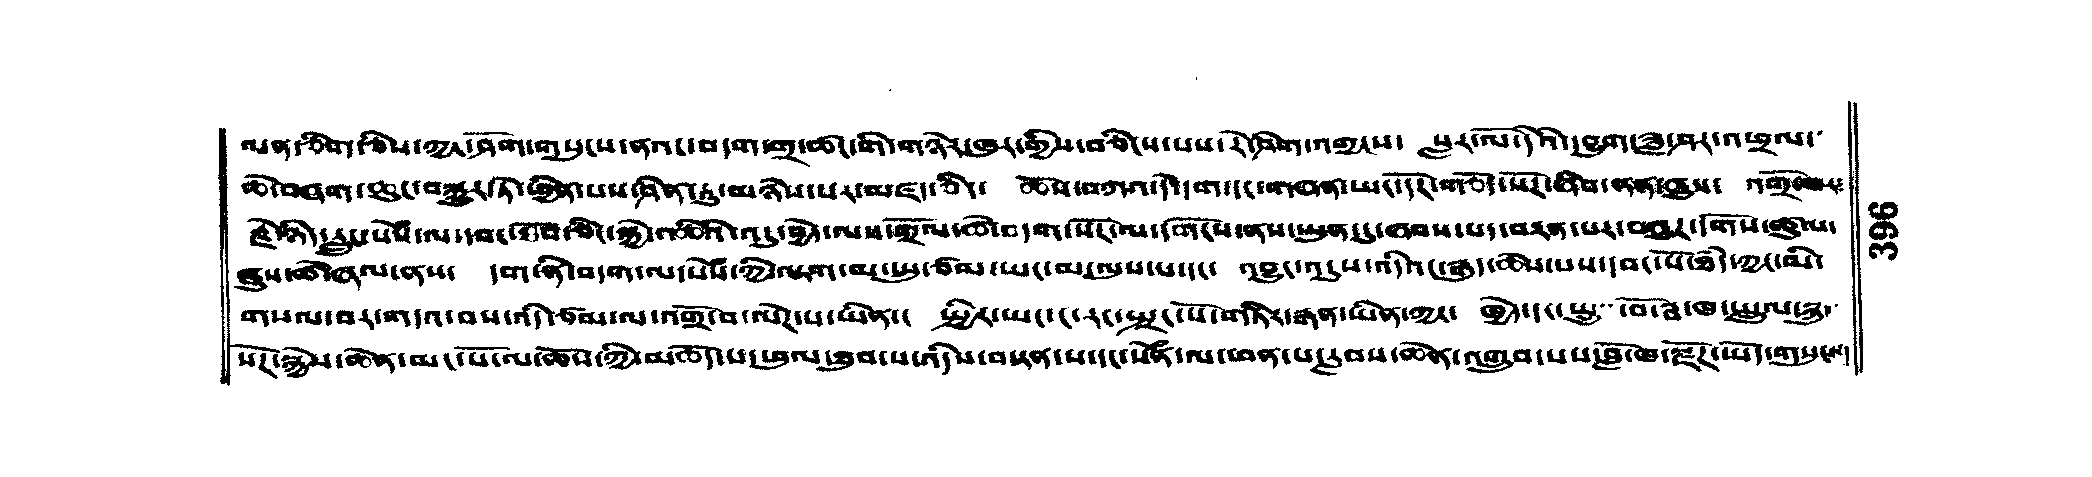ལན་ཅིག་ཅིས་ཀྱང་ཤོག་གསུངས་ནའང་བདག་གྲྭ་ཚང་གི་གཉེར་ཁུར་གྱིས་བཅིངས་པར་རེ་ཤིག་འགྱངས། སླར་ལོ་དེའི་དབྱུག་ཟླ་ཤར་འཕྲལ་
ཆེ་བཞག་ཆུང་བསྐྱུར་ཏེ་ཕྱིན་པས་ཤིན་ཏུ་མཉེས་པར་མཛད་ཅིང་། ཆོས་བཀའ་དེ་དག་དང་གཞན་ཡང་དོགས་གཅོད་སོགས་ཞིབ་ནན་ཞུས། འགྲོ་ཁར་
རྗེ་ཉིད་རླུང་སེམས་ལ་དབང་ཐོབ་ཅིང་སྐྱེ་འཆིའི་འདུ་བྱེད་ལས་གྲོལ་ཚེ་བདག་སོགས་ལ་དགོངས་ནས་ཡུན་དུ་ཞབས་པད་བརྟན་པར་བཞུགས་དགོས་ཚུལ་
ཞུས་ཚེ་ཞལ་ནས། ད་ནི་བདག་ལ་སེམས་ཀྱི་ལྷག་མ་སྤུ་ཙམ་ཡང་མ་ལུས་པ་དང་།འབྱུང་འདུས་འདིའང་རྒུད་ཆེས་པས་དབང་པོ་ཐམས་ཅད་ཀྱང་མི་
གསལ་བར་གདའ་བས་འདི་ཙམ་ལ་འགྲོ་བ་ལེགས་པ་ཡིན། སྤྱིར་ཡང་ང་རང་སྤྲང་པོ་གཏིར་རྒན་ཡིན་ཀྱང་། ཁྱེད་དང་སྤུ་བོ་རྦ་ཁང་སྤྲུལ་སྐུ་
སོགས་སྐྱེས་ཆེན་མང་པོ་ལ་ཆོས་ཀྱི་མཆོད་པ་ཕུལ་ཐུབ་པ་འདིས་བསྟན་པ་དང་སེམས་ཅན་ལ་ཕན་པ་རླབས་ཆེན་འགྲུབ་པས་བློ་ཁ་རྫོགས་ཡོད་གསུངས།